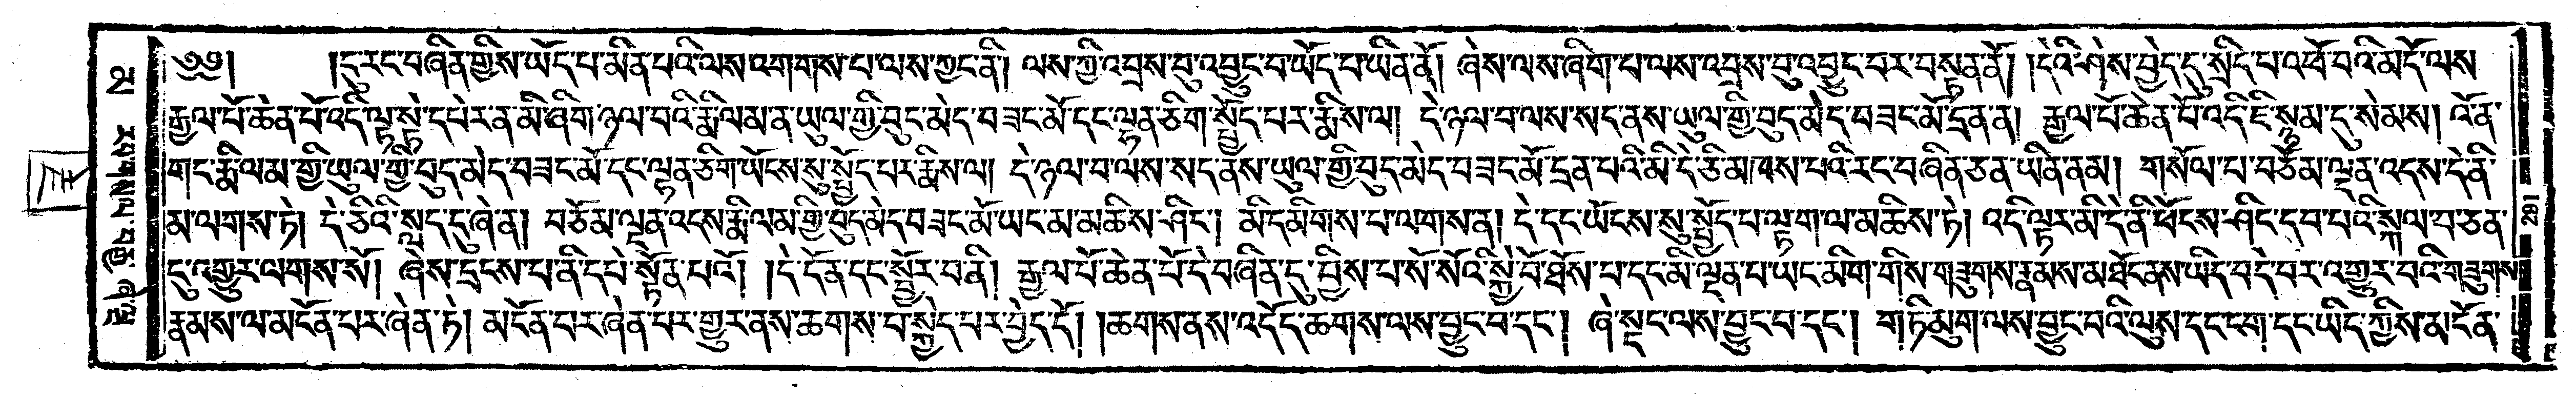དུ་རང་བཞིན་གྱིས་ཡོད་པ་མིན་པའི་ལས་འགགས་པ་ལས་ཀྱང་ནི། ལས་ཀྱི་འབྲས་བུ་འབྱུང་བ་ཡོད་པ་ཡིན་ནོ། ཞེས་ལས་ཞིག་པ་ལས་འབྲས་བུ་འབྱུང་བར་བསྟན་ནོ། །དེའི་ཤེས་བྱེད་དུ་སྲིད་པ་འཕོ་བའི་མདོ་ལས་
རྒྱལ་པོ་ཆེན་པོ་འདི་ལྟ་སྟེ་དཔེར་ན་མི་ཞིག་ཉལ་བའི་རྨི་ལམ་ན་ཡུལ་གྱི་བུད་མེད་བཟང་མོ་དང་ལྷན་ཅིག་སྤྱོད་པར་རྨིས་ལ། དེ་ཉལ་བ་ལས་སད་ནས་ཡུལ་གྱི་བུད་མེད་བཟང་མོ་དྲན་ན། རྒྱལ་པོ་ཆེན་པོ་འདི་ཇི་སྙམ་དུ་སེམས། འོ་ན་
གང་རྨི་ལམ་གྱི་ཡུལ་གྱི་བུད་མེད་བཟང་མོ་དང་ལྷན་ཅིག་ཡོངས་སུ་སྤྱོད་པར་རྨིས་ལ། དེ་ཉལ་བ་ལས་སད་ནས་ཡུལ་གྱི་བུད་མེད་བཟང་མོ་དྲན་པའི་མི་དེ་ཅི་མཁས་པའི་རང་བཞིན་ཅན་ཡིན་ནམ། གསོལ་པ་བཅོམ་ལྡན་འདས་ད་ནི་
མ་ལགས་ཏེ། དེ་ཅིའི་སླད་དུ་ཞེ་ན། བཅོམ་ལྡན་འདས་རྨི་ལམ་གྱི་བུད་མེད་བཟང་མོ་ཡང་མ་མཆིས་ཤིང་། མི་དམིགས་པ་ལགས་ན། དེ་དང་ཡོངས་སུ་སྤྱོད་པ་ལྟ་ག་ལ་མཆིས་ཏེ། འདི་ལྟར་མི་དེ་ནི་ཕོངས་ཤིང་དུབ་པའི་སྐལ་བ་ཅན་
དུ་འགྱུར་ལགས་སོ། ཞེས་དྲངས་པ་ནི་དཔེ་སྟོན་པའོ། །དེ་དོན་དང་སྦྱོར་བ་ནི། རྒྱལ་པོ་ཆེན་པོ་དེ་བཞིན་དུ་བྱིས་པ་སོ་སོའི་སྐྱེ་བོ་ཐོས་པ་དང་མི་ལྡན་པ་ཡང་མིག་གིས་གཟུགས་རྣམས་མཐོང་ནས་ཡིད་བདེ་བར་འགྱུར་བའི་གཟུགས་
རྣམས་ལ་མངོན་པར་ཞེན་ཏེ། མངོན་པར་ཞེན་པར་གྱུར་ནས་ཆགས་པ་སྐྱེད་པར་བྱེད་དོ། །ཆགས་ནས་འདོད་ཆགས་ལས་བྱུང་བ་དང་། ཞེ་སྡང་ལས་བྱུང་བ་དང་། གཏི་མུག་ལས་བྱུང་བའི་ལུས་དང་ངག་དང་ཡིད་ཀྱིས་མངོན་